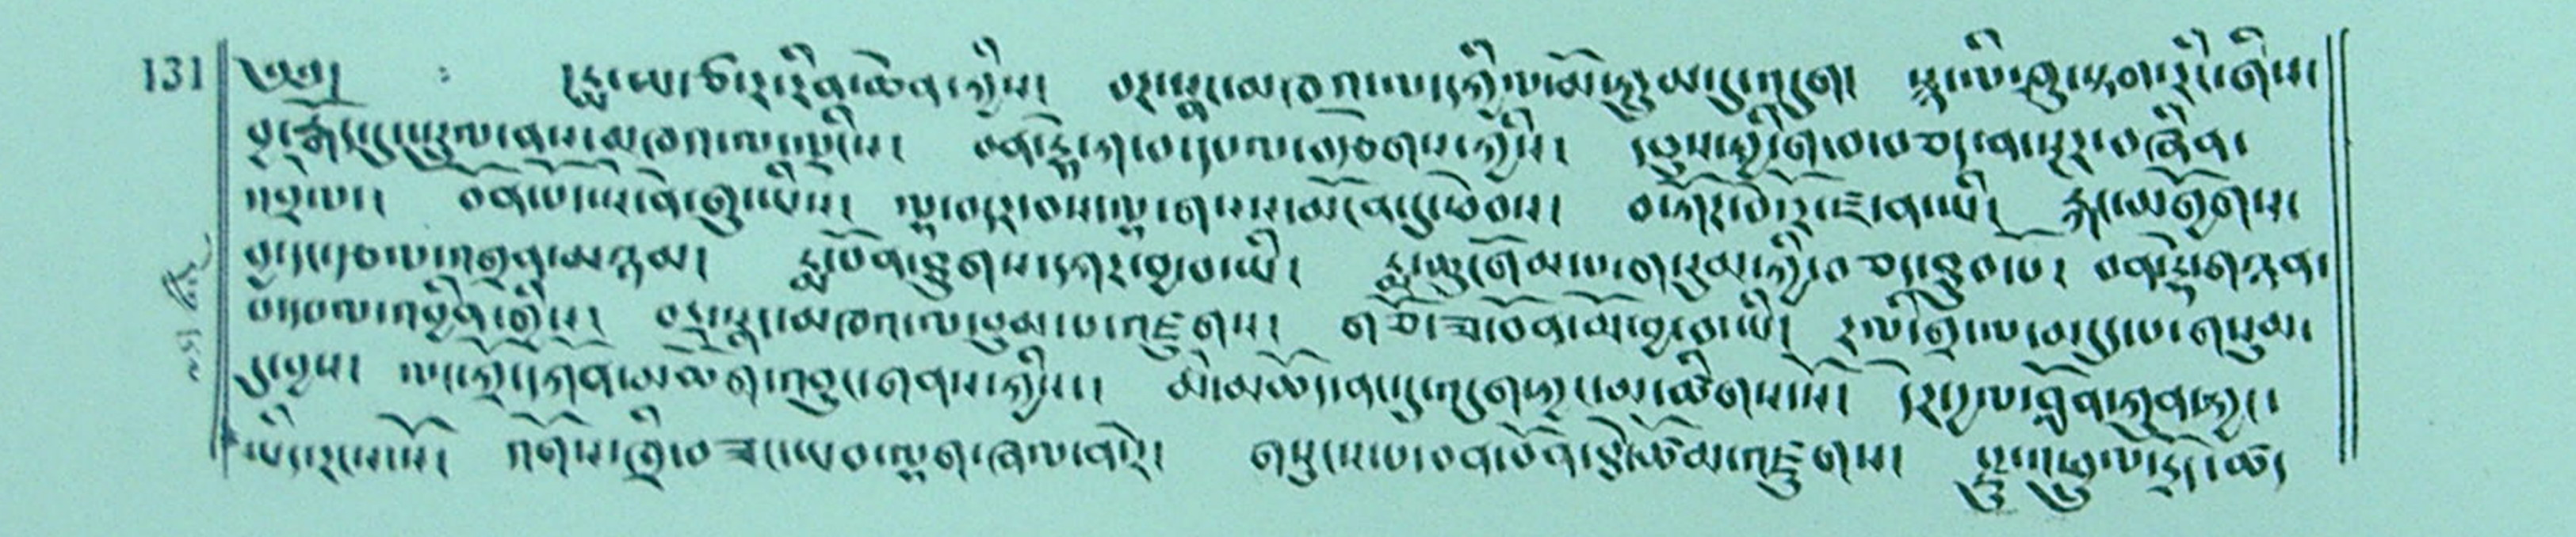༄༅། །རྨ་ཨ་ཙ་ར་རིན་ཆེན་གྱིས། བར་སྣང་མཁའ་ལ་དཀྱིལ་མོ་དཀྲུང་དུ་བཞུགས། སྙ་ལི་ཤུ་སྟག་རིང་གིས་
བྱ་རྒོད་དུ་སྤྲུལ་ནས་མཁའ་ལ་ལྡིང་། བན་དྷེ་ཀ་བ་དཔལ་བརྩེགས་ཀྱིས། དབུས་ཀྱི་ཀ་བ་བཅད་ནས་སྔར་བཞིན་
འབྲེལ། བོན་པོ་སྤེ་ནེ་གུ་ཡིས། ལྷ་བདར་བས་ལྷ་གསས་མངོན་དུ་ཕེབས། བ་གོར་བེ་རོ་ཙ་ན་ཡི། རྐང་མགྱོགས་
བྱ་དང་རྩལ་འགྲན་མཉམ། རྨ་བོན་ཐུགས་དཀར་བྱ་བ་ཡིས། རྨ་ཆུ་གོམ་པ་གསུམ་གྱིས་བཅད་ཐུབ་བོ། །བན་དྷེ་གཉན་
པ་དཔལ་འབྱིན་གྱིས། བར་སྣང་མཁའ་ལ་བུམ་པ་འཛུགས། གཅོ་ཟ་བོན་མོ་བྱ་བ་ཡིས། རལ་གྲི་ལ་མདུད་པ་གསུམ་
དུ་བྱས། ལང་ཀྲོ་དཀོན་མཆོག་འབྱུང་གནས་ཀྱིས། མེ་མཆོད་ནང་དུ་འདུག་ཀྱང་མ་ཚིགས་སོ། །དེར་རྒྱལ་བློན་ཀུན་ཀྱང་
ཡི་རངས་སོ། །འགོས་ཁྲི་བཟང་ཡབ་ལྷག་ཞལ་ན་རེ། གསུངས་པ་བན་བོན་ཐེ་ཙོམ་འཛུགས། རྫུ་འཕྲུལ་དྲོད་ཚད་